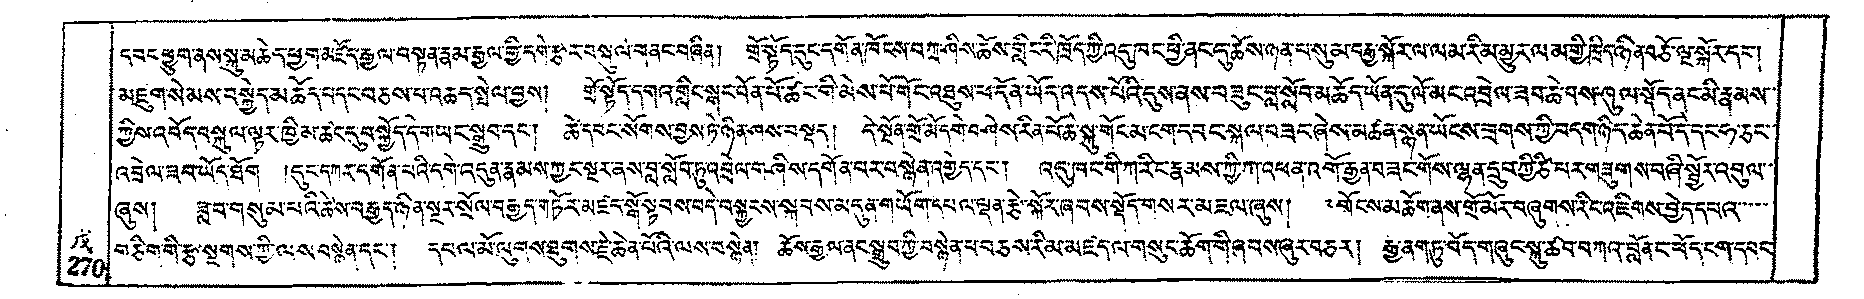དབང་ཕྱུག་ནས་སྐུ་མཆེད་ཕྱག་མཛོད་རྒྱལ་བསྟན་རྣམ་རྒྱལ་གྱི་དགེ་རྩར་བསྐུལ་གནང་བཞིན། གྲོ་སྟོད་དུང་དགོན་ཁོངས་བཀྲ་ཤིས་ཆོས་གླིང་རི་ཁྲོད་ཀྱི་འདུ་ཁང་ཕྱི་ནང་དུ་ཆོས་ཉན་པ་སུམ་བརྒྱ་སྐོར་ལ་ལམ་རིམ་མྱུར་ལམ་གྱི་ཁྲིད་ཉིན་བཅོ་ལྔ་སྐོར་དང་།
མཇུག་སེམས་བསྐྱེད་མཆོད་པ་དང་བཅས་པ་འཆད་སྤེལ་བྱས། གྲོ་སྟོད་དགའ་གླིང་སྒང་བོན་པོ་ཚང་གི་མེས་པོ་གོང་འཐུས་ཕ་དོན་ཡོད་འདས་པོའི་དུས་ནས་བཟུང་བླ་སློབ་མཆོད་ཡོན་དུ་ལོ་མང་འབྲེལ་ཟབ་ཆེ་བས་ཤུལ་སྡོད་ནང་མི་རྣམས་
ཀྱིས་འབོད་བསྐུལ་ལྟར་ཁྱིམ་ཚང་དུ་བསྐྱོད་དེ་གཡང་སྒྲུབ་དང་། ཚེ་དབང་སོགས་བྱས་ཏེ་ཉིན་ཤས་བསྡད། དེ་སྔོན་གྲོ་མོ་དགེ་བཤེས་རིན་པོ་ཆེ་སྐུ་གོང་མ་ངག་དབང་སྐལ་བཟང་ཞེས་མཚན་སྙན་ཡོངས་གྲགས་ཀྱི་བདག་ཉིད་ཆེན་པོ་དེ་དང་ཧ་ཅང་
འབྲེལ་ཟབ་ཡོད་ཐོག །དུང་དཀར་དགོན་པའི་དགེ་འདུན་རྣམས་ཀྱང་སྔར་ནས་བླ་སློབ་ཏུ་འབྲེལ་གཤིས་དགོན་པར་བསྙེན་འགྱེད་དང་། འདུ་ཁང་གི་ཀ་རིང་རྣམས་ཀྱི་ཀ་འཕན་འགོ་རྒྱན་བཟང་གོས་ལྷན་དྲུབ་ཀྱི་ཙི་པར་གཟུགས་བཞི་སྦྱོར་འབུལ་
ཞུས། ཟླ་བ་གསུམ་པའི་ཚེས་བརྒྱད་ཉིན་སྔར་སྲོལ་བརྒྱད་གཏོར་མཛད་སྒོ་སྟབས་བདེ་བསྐྱངས་སྐབས་མདུན་གཡོག་དཔལ་ལྡན་རྩེ་སྐོར་ཞབས་སྡོད་གསར་མཇལ་ཞུས། ༧གོང་ས་མཆོག་ནས་གྲོ་མོར་བཞུགས་རིང་འཇིགས་བྱེད་དཔའ་
གཅིག་གི་རྩ་སྔགས་ཀྱི་ལས་བསྙེན་དང་། དཔལ་མོ་ལུགས་ཐུགས་རྗེ་ཆེན་པོའི་ལས་བསྙེན། ཆོས་རྒྱལ་ནང་སྒྲུབ་ཀྱི་བསྙེན་པ་བཅས་རིམ་མཛད་ལ་གསུང་ཆོག་གི་ཞབས་ཞུར་བཅར། རྒྱ་ནག་ཏུ་བོད་གཞུང་སྐུ་ཚབ་བཀའ་བློན་ང་ཕོད་ངག་དབང་